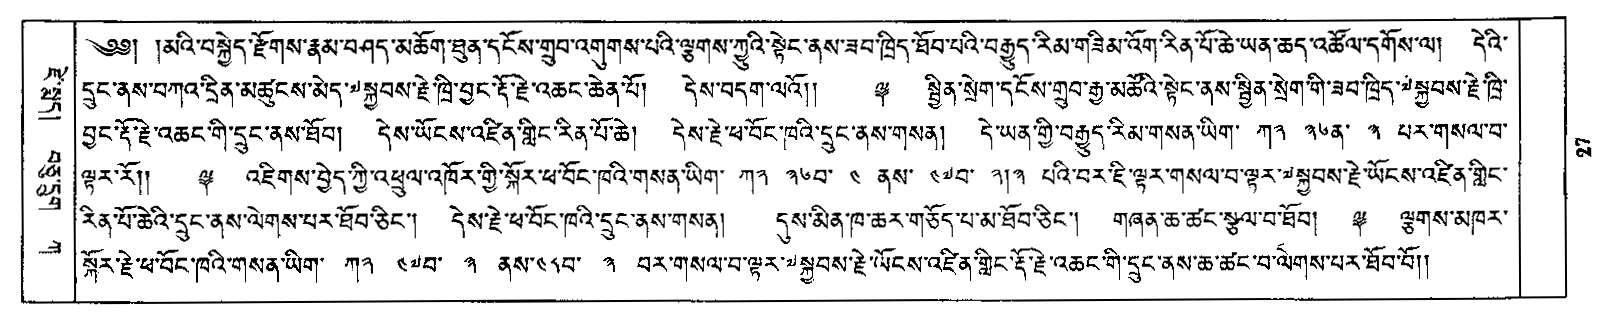༄༅། །མའི་བསྐྱེད་རྫོགས་རྣམ་བཤད་མཆོག་ཐུན་དངོས་གྲུབ་འགུགས་པའི་ལྕགས་ཀྱུའི་སྟེང་ནས་ཟབ་ཁྲིད་ཐོབ་པའི་བརྒྱུད་རིམ་གཟིམ་འོག་རིན་པོ་ཆེ་ཡན་ཆད་འཚོལ་དགོས་ལ། དེའི་
དྲུང་ནས་བཀའ་དྲིན་མཚུངས་མེད་༧་སྐྱབས་རྗེ་ཁྲི་བྱང་རྡོ་རྗེ་འཆང་ཆེན་པོ། དེས་བདག་ལའོ།། ༈ སྦྱིན་སྲེག་དངོས་གྲུབ་རྒྱ་མཚོའི་སྟེང་ནས་སྦྱིན་སྲེག་གི་ཟབ་ཁྲིད་༧་སྐྱབས་རྗེ་ཁྲི་
བྱང་རྡོ་རྗེ་འཆང་གི་དྲུང་ནས་ཐོབ། དེས་ཡོངས་འཛིན་གླིང་རིན་པོ་ཆེ། དེས་རྗེ་ཕ་བོང་ཁའི་དྲུང་ནས་གསན། དེ་ཡན་གྱི་བརྒྱུད་རིམ་གསན་ཡིག་ཀ ༢ ༣༦་ན ༣་པར་གསལ་བ་
ལྟར་རོ།། ༈ འཇིགས་བྱེད་ཀྱི་འཕྲུལ་འཁོར་གྱི་སྐོར་ཕ་བོང་ཁའི་གསན་ཡིག་ཀ ༢ ༣༦་བ ༤་ནས ༤༧་བ ༢།༣་པའི་བར་ཇི་ལྟར་གསལ་བ་ལྟར་༧་སྐྱབས་རྗེ་ཡོངས་འཛིན་གླིང་
རིན་པོ་ཆེའི་དྲུང་ནས་ལེགས་པར་ཐོབ་ཅིང་། དེས་རྗེ་ཕ་བོང་ཁའི་དྲུང་ནས་གསན། དུས་མིན་ཁ་ཆར་གཅོད་པ་མ་ཐོབ་ཅིང་། གཞན་ཆ་ཚང་སྩལ་བ་ཐོབ། ༧་ལྕགས་མཁར་
སྐོར་རྗེ་ཕ་བོང་ཁའི་གསན་ཡིག། ཀ ༢ ༤༧་བ ༣་ནས ༤༨་བ ༣་བར་གསལ་བ་ལྟར་༧་སྐྱབས་རྗེ་ཡོངས་འཛིན་གླིང་རྡོ་རྗེ་འཆང་གི་དྲུང་ནས་ཆ་ཚང་བ་ལེགས་པར་ཐོབ་བོ། །